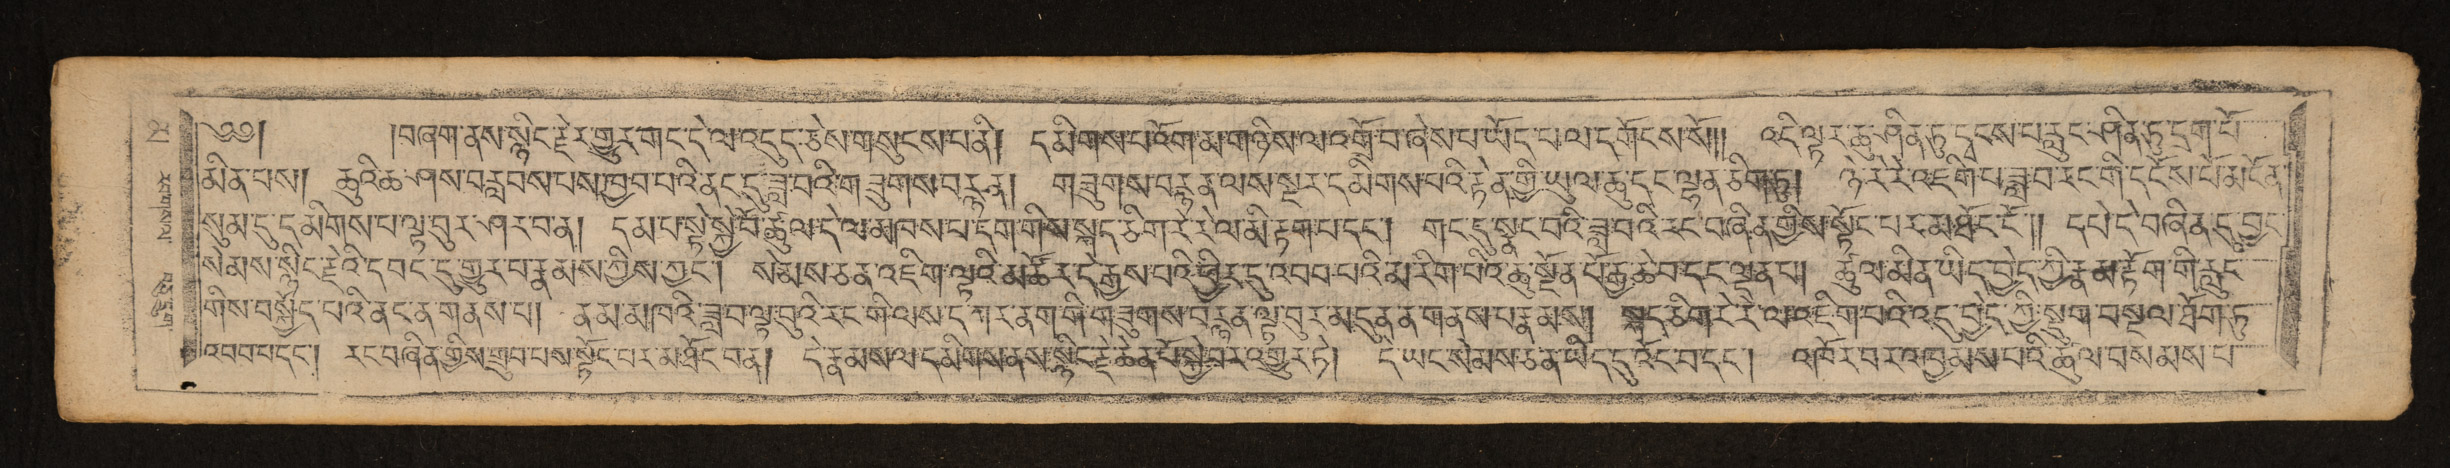༄༅། །བཞག་ནས་སྙིང་རྗེར་གྱུར་གང་དེ་ལ་འདུད་ཅེས་གསུངས་པ་ནི། དམིགས་པ་འོག་མ་གཉིས་ལ་འགྲོ་བ་ཞེས་པ་ཡོད་པ་ལ་དགོངས་སོ།། འདི་ལྟར་ཆུ་ཤིན་ཏུ་དྭངས་པ་རླུང་ཤིན་ཏུ་དྲག་པོ་
མིན་པས། ཆུའི་ཆ་ཤས་བརླབས་པས་ཁྱབ་པའི་ནང་དུ་ཟླ་བའི་གཟུགས་བརྙན། གཟུགས་བརྙན་ལས་སྔར་དམིགས་པའི་རྟེན་གྱི་ཡུལ་ཆུ་དང་ལྷན་ཅིག་ཏུ། ཉེ་རེ་རེ་འཇིག་པ་ཟླ་བ་རང་གི་དངོས་པོ་མངོན་
སུམ་དུ་དམིགས་པ་ལྟ་བུར་ཤར་བ་ན། དམ་པ་སྟེ་སྐྱེ་བོ་ཚུལ་དེ་ལ་མཁས་པ་དག་གིས་སྐད་ཅིག་རེ་རེ་ལ་མི་རྟག་པ་དང་། གང་དུ་སྣང་བའི་ཟླ་བའི་རང་བཞིན་གྱིས་སྟོང་པར་མཐོང་ངོ།། དཔེ་དེ་བཞིན་དུ་བྱང་
སེམས་སྙིང་རྗེའི་དབང་དུ་གྱུར་པ་རྣམས་ཀྱིས་ཀྱང་། སེམས་ཅན་འཇིག་ལྟའི་མཚོར་དེ་རྒྱས་པའི་ཕྱིར་དུ་འབབ་པའི་མ་རིག་པའི་ཆུ་སྔོན་པོ་རྒྱ་ཆེ་བ་དང་ལྡན་པ། ཚུལ་མིན་ཡིད་བྱེད་ཀྱི་རྣམ་རྟོག་གི་རླུང་
གིས་བསྐྱོད་པའི་ནང་ན་གནས་པ། ནམ་ཁའི་ཟླ་བ་ལྟ་བུའི་རང་གི་ལས་དཀར་ནག་གི་གཟུགས་བརྙན་ལྟ་བུར་མདུན་ན་གནས་པ་རྣམས། སྐད་ཅིག་རེ་རེ་ལ་འཇིག་པའི་འདུ་བྱེད་ཀྱི་སྡུག་བསྔལ་ཐོག་ཏུ་
འབབ་པ་དང་། རང་བཞིན་གྱིས་གྲུབ་པས་སྟོང་པར་མཐོང་བ་ན། དེ་རྣམས་ལ་དམིགས་ནས་སྙིང་རྗེ་ཆེན་པོ་སྐྱེ་བར་འགྱུར་ཏེ། དེ་ཡང་སེམས་ཅན་ཡིད་དུ་འོང་བ་དང་། འཁོར་བར་འཁྱམས་པའི་ཚུལ་བསམས་པ་